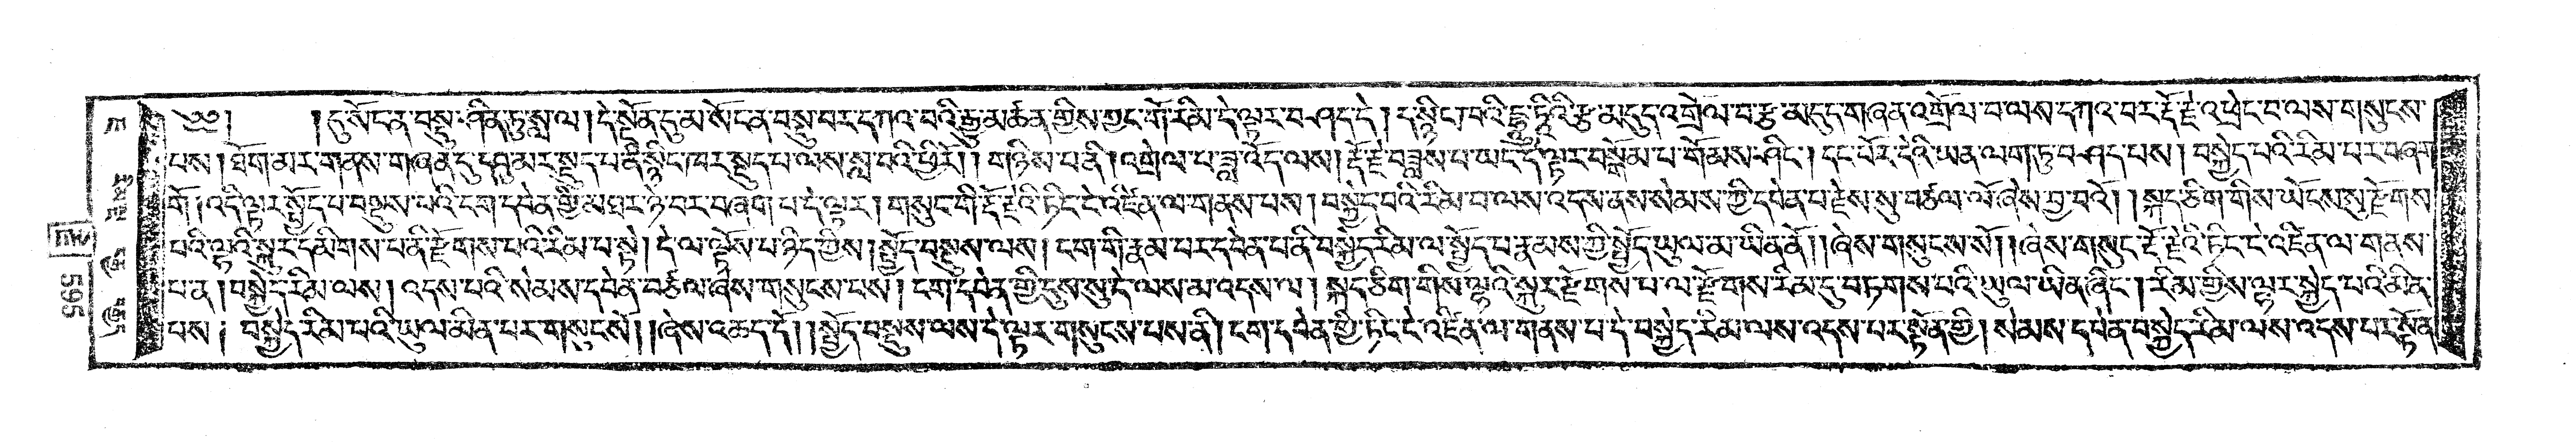༄༅། །དུ་སོང་ན་བསྡུ་ཤིན་ཏུ་སླ་ལ། དེ་སྔོན་དུ་མ་སོང་ན་བསྡུ་བར་དཀའ་བའི་རྒྱུ་མཚན་གྱིས་ཀྱང་གོ་རིམ་དེ་ལྟར་བཤད་དེ། ད་སྙིང་ཁའི་དྷཱུ་ཏཱིའི་རྩ་མདུད་འགྲོལ་བ་རྩ་མདུད་གཞན་འགྲོལ་བ་ལས་དཀའ་བར་རྡོ་རྗེ་འཕྲེང་བ་ལས་གསུངས་
པས། ཐོག་མར་གནས་གཞན་དུ་དབུ་མར་སྡུད་པ་ནི་སྙིང་ཁར་སྡུད་པ་ལས་སླ་བའི་ཕྱིར་རོ། །གཉིས་པ་ནི། འགྲེལ་པ་ཟླ་འོད་ལས། རྡོ་རྗེ་བཟླས་པ་ཡང་དེ་ལྟར་བསྒོམ་པ་གོམས་ཤིང་། དང་པོར་དེའི་ཡན་ལག་ཏུ་བཤད་པས། བསྐྱེད་པའི་རིམ་པར་བཞག་
གོ །འདི་ལྟར་སྤྱོད་པ་བསྡུས་པའི་ངག་དབེན་གྱི་མཐར་ཉེ་བར་བཞག་པ་དེ་ལྟར། གསུངས་གི་རྡོ་རྗེའི་ཏིང་ངེ་འཛིན་ལ་གནས་པས། བསྐྱེད་པའི་རིམ་པ་ལས་འདས་ནས་སེམས་ཀྱི་དབེན་པ་རྗེས་སུ་བཙལ་ལོ་ཞེས་བྱ་བའོ། །སྐད་ཅིག་གིས་ཡོངས་སུ་རྫོགས་
པའི་ལྷའི་སྐུར་དམིགས་པ་ནི་རྫོགས་པའི་རིམ་པ་སྟེ། དེ་ལ་ལྟོས་པ་ཉིད་ཀྱིས། སྤྱོད་བསྡུས་ལས། ངག་གི་རྣམ་པར་དབེན་པ་ནི་བསྐྱེད་རིམ་ལ་སྤྱོད་པ་རྣམས་ཀྱི་སྤྱོད་ཡུལ་མ་ཡིན་ནོ། །ཞེས་གསུངས་སོ། །ཞེས་གསུང་རྡོ་རྗེའི་ཏིང་ངེ་འཛིན་ལ་གནས་
པ་ན། བསྐྱེད་རིམ་ལས། འདས་པའི་སེམས་དབེན་བཙལ་ཞེས་གསུངས་པས། ངག་དབེན་གྱི་དུས་སུ་དེ་ལས་མ་འདས་ལ། སྐད་ཅིག་གིས་ལྷའི་སྐུར་རྫོགས་པ་ལ་རྫོགས་རིམ་དུ་བཏགས་པའི་ཡུལ་ཡིན་ཞིང་།རིམ་གྱིས་ལྷར་སྐྱེད་པའི་མིན་
པས། བསྐྱེད་རིམ་པའི་ཡུལ་མིན་པར་གསུངས་སོ། །ཞེས་འཆད་དོ། །སྤྱོད་བསྡུས་ལས་དེ་ལྟར་གསུངས་པས་ནི། ངག་དབེན་གྱི་ཏིང་ངེ་འཛིན་ལ་གནས་པ་དེ་བསྐྱེད་རིམ་ལས་འདས་པར་སྟོན་གྱི། སེམས་དབེན་བསྐྱེད་རིམ་ལས་འདས་པར་སྟོན་